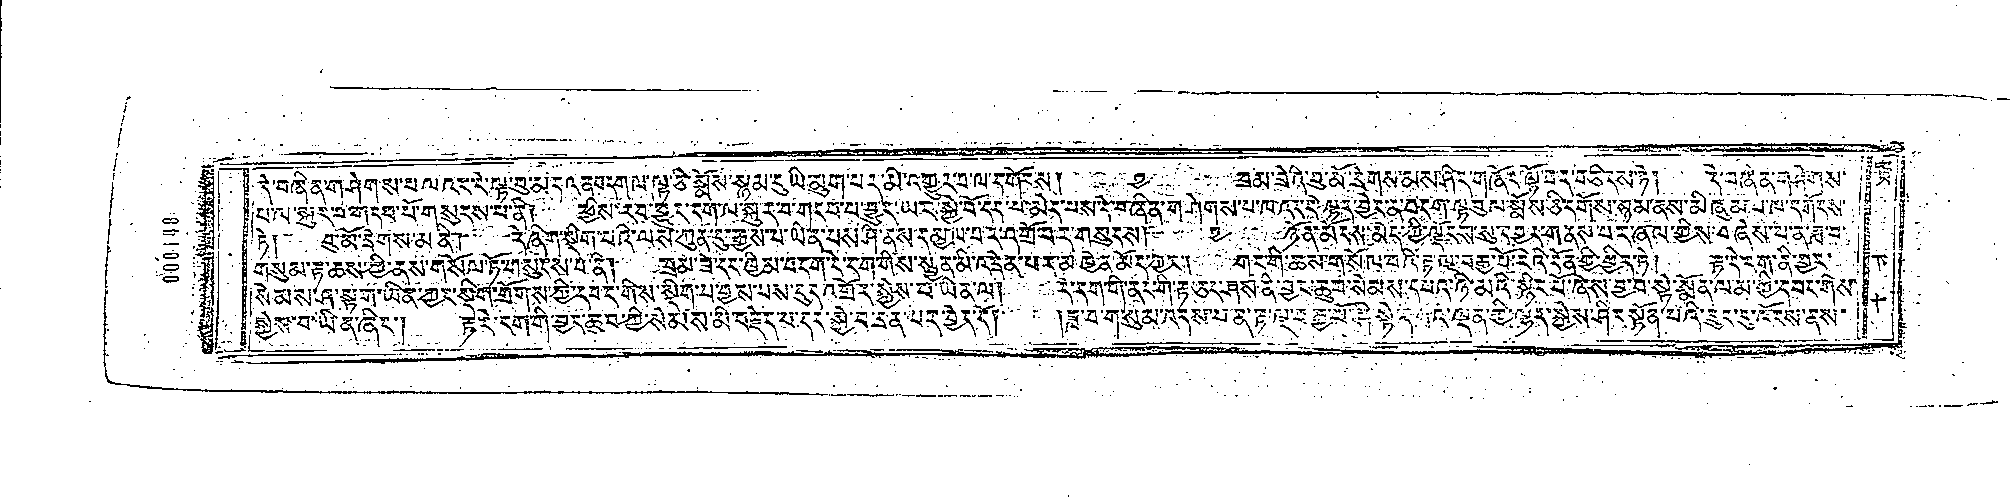དེ་བཞིན་གཤེགས་པ་ལའང་དེ་ལྟ་བུ་མངའ་ན་བདག་ལ་ལྟ་ཅི་སྨོས་སྙམ་དུ་ཡི་མུག་པར་མི་འགྱུར་བ་ལ་དགོངས། ༧་བྲམ་ཟེའི་བུ་མོ་དྲེགས་མས་ཤིད་གཞོར་ལྟོ་བར་བཅིངས་ཏེ། དེ་བཞིན་གཤེགས་
པ་ལ་སྐུར་བ་གདབ་པོ་གསུངས་པ་ནི། ཕྱིས་རབ་བྱུང་དག་ལ་སྐུར་བ་གདབ་པ་བྱུང་ཡང་སྐྱེ་བོ་དད་པ་མེད་པས་དེ་བཞིན་གཤེགས་པ་ལའང་དེ་ལྟར་བྱེད་ན་བདག་ལྟ་བུ་ལ་སྨོས་ཅི་དགོས་སྙམ་ནས་མི་ཞུམ་པ་ལ་དགོངས་
ཏེ། བུ་མོ་དྲེགས་མ་ནི། རེ་ཞིག་སྡིག་པའི་ལས་ཀུན་དུ་རྒྱས་པ་ཡིན་པས་ཤི་ནས་དམྱལ་བར་འགྲོ་བར་གསུངས། ༧་ཉོན་མོངས་མེད་ཀྱི་ལྗོངས་སུ་དབྱར་གནས་པར་ཞལ་གྱིས་བཞེས་པ་ན་ཟླ་བ་
གསུམ་རྟ་ཆས་ཀྱི་ནས་གསོལ་ཏོ་གསུངས་བ་ནི། བྲམ་ཟེ་དང་ཁྱིམ་བདག་དེ་དག་གིས་སྤྱན་མི་འདྲེན་པར་མཁྱེན་མོད་ཀྱང་། གང་གི་ཆས་གསོལ་བའི་རྟ་ལྔ་བརྒྱ་པོ་དེའི་དོན་གྱི་ཕྱིར་ཏེ། རྟ་དེ་དག་ནི་བྱང་
སེམས་ཤ་སྟག་ཡིན་ཀྱང་སྡིག་གྲོགས་ཀྱི་དབང་གིས་སྡིག་པ་བྱས་པས་དུད་འགྲོར་སྐྱེས་བ་ཡིན་ལ། དེ་དག་གི་ནང་གི་རྟ་ཅང་ཤས་ནི་བྱང་ཆུབ་སེམས་དཔའ་ཉི་མའི་སྙིང་པོ་ཞེས་བྱ་བ་སྟེ་སྨོན་ལམ་གྱི་དབང་གིས་
སྐྱེས་བ་ཡིན་ཞིང་། རྟ་དེ་དག་གི་བྱང་ཆུབ་ཀྱི་སེམས་མི་བརྗེད་པ་དང་སྐྱེ་བ་དྲན་པར་བྱེད་དོ། །ཟླ་བ་གསུམ་འདས་པ་ན་རྟ་ལྔ་བརྒྱ་པོ་ཤི་སྟེ་དགའ་ལྡན་གྱི་ལྷར་སྐྱེས་ཤིང་སྟོན་པའི་དྲུང་དུ་འོངས་ནས་